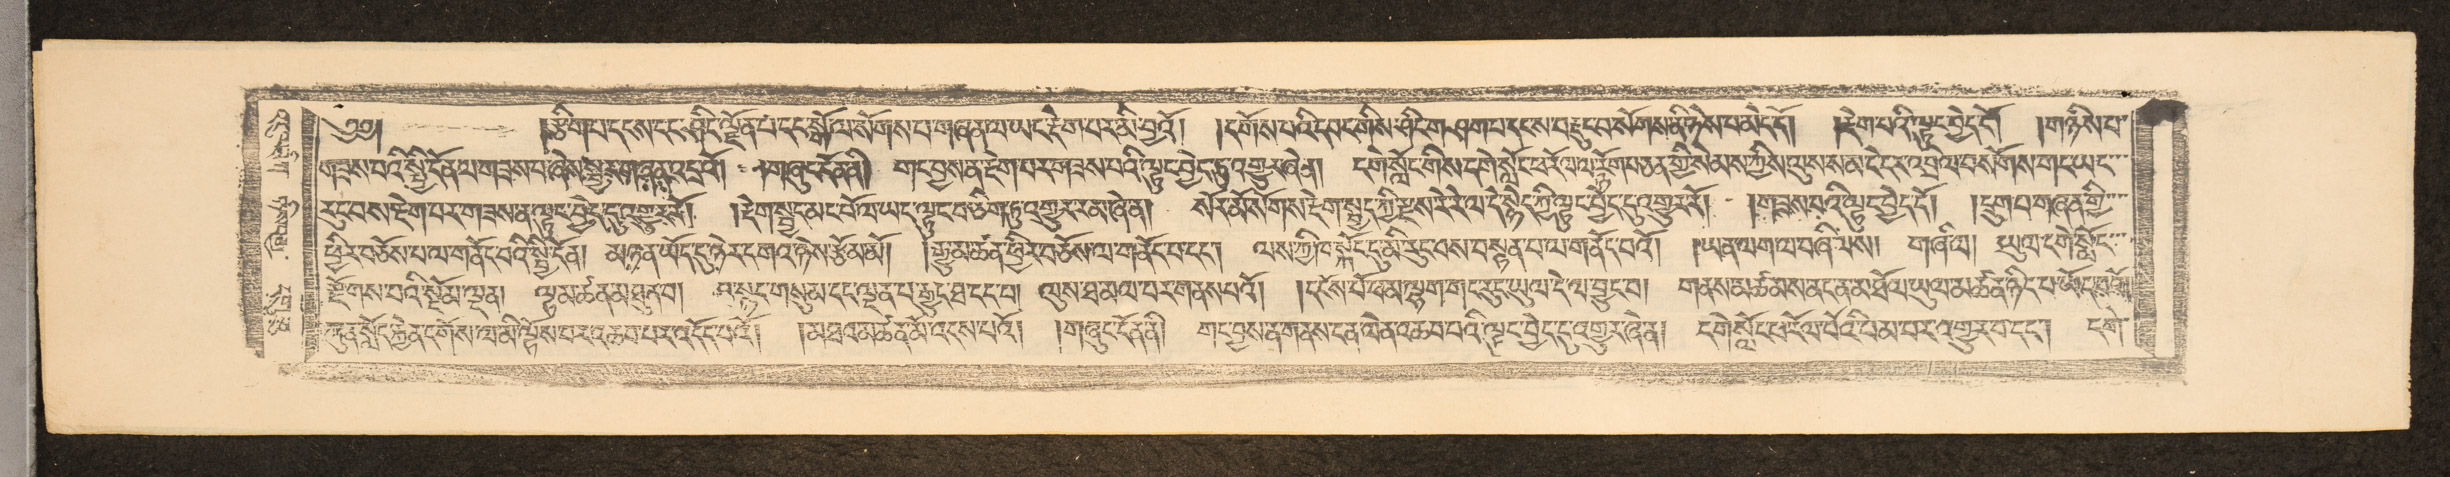༄༅། །རྩིག་པ་དངས་དང་ཤིང་ལྗོན་པ་དང་སྒོ་ལ་སོགས་པ་གཞན་ལ་ཡང་རྡེག་པར་མི་བྱའོ། །དགོས་པའི་དབང་གིས་ཤིང་གཤག་པ་དངས་བརྡུང་བ་སོགས་ནི་ཉེས་པ་མེད་དོ། །རྡེག་པའི་ལྟུང་བྱེད་དོ། །གཉིས་པ་
གཟས་བའི་སྤྱི་དོན་ལ་གཟས་པ་ཞེས་སྦྱར་གཞན་འདྲའོ། །གཞུང་དོན་ནི། གང་བྱས་ན་རྡེག་པར་གཟས་པའི་ལྟུང་བྱེད་ཏུ་འགྱུར་ཞེ་ན། དགེ་སློང་གིས་དགེ་སློང་ཕ་རོལ་ལ་རྙོག་པ་ཅན་གྱིས་སེམས་ཀྱིས་ལུས་སམ་དེ་དང་འབྲེལ་བ་སོགས་གང་ཡང་
རུང་བས་རྡེག་པར་གཟས་ན་ལྟུང་བྱེད་དུ་འགྱུར་རོ། །རྡེག་སྦྱད་མང་པོ་ལ་ཡང་ལྟུང་བ་ཅིག་ཏུ་འགྱུར་རམ་ཞེ་ན། སོར་མོ་སོགས་རྡེག་སྤྱད་ཀྱི་རྫས་རེ་རེ་ལ་དེ་སྙེད་ཀྱི་ལྟུང་བྱེད་དུ་འགྱུར་རོ། །གཟས་པའི་ལྟུང་བྱེད་དོ། །དྲུག་པ་གཞན་གྱི་
ཕྱིར་བཅོས་པ་ལ་གནོད་པའི་སྤྱི་དོན། མཉན་ཡོད་དུ་ཉེར་དགའ་ཉེས་རྩོམ་མོ། །རྒྱུ་མཚན་ཕྱིར་བཅོས་ལ་གནོད་པ་དང་། ལས་ཀྱི་ཁ་སྐོང་དུ་མི་རུང་བས་བསྟན་པ་ལ་གནོད་པའོ། །ཡན་ལག་ལ་བཞི་ལས། གཞི་ལ། ཡུལ་དགེ་སློང་
རྫོགས་པའི་སྡོམ་ལྡན། ལྟ་མཚན་མཐུན་པ། ཐ་སྙད་གསུམ་དང་ལྡན་པ་རྒྱུད་ཐ་དད་པ། ལུས་ཐ་མལ་པར་གནས་པའོ། །དངོས་པོ་ཕམ་ལྷག་གང་རུང་ཡུལ་དེ་ལ་བྱུང་བ། གནས་མཚམས་ནང་ན་མཐོལ་ཡུལ་མཚན་ཉིད་པ་ཡོད་པའོ།།
ཀུན་སློང་རྐྱེན་དགོས་ལ་མི་ལྟོས་པར་འཆབ་པར་འདོད་པའོ། །མཐའ་མཚན་མོ་འདས་པའོ། །གཞུང་དོན་ནི། གང་བྱས་ན་གནས་ངན་ལེན་འཆབ་པའི་ལྟུང་བྱེད་དུ་འགྱུར་ཞེ་ན། དགེ་སློང་ཕ་རོལ་པོའི་ཕམ་པར་འགྱུར་བ་དང་། དགེ་